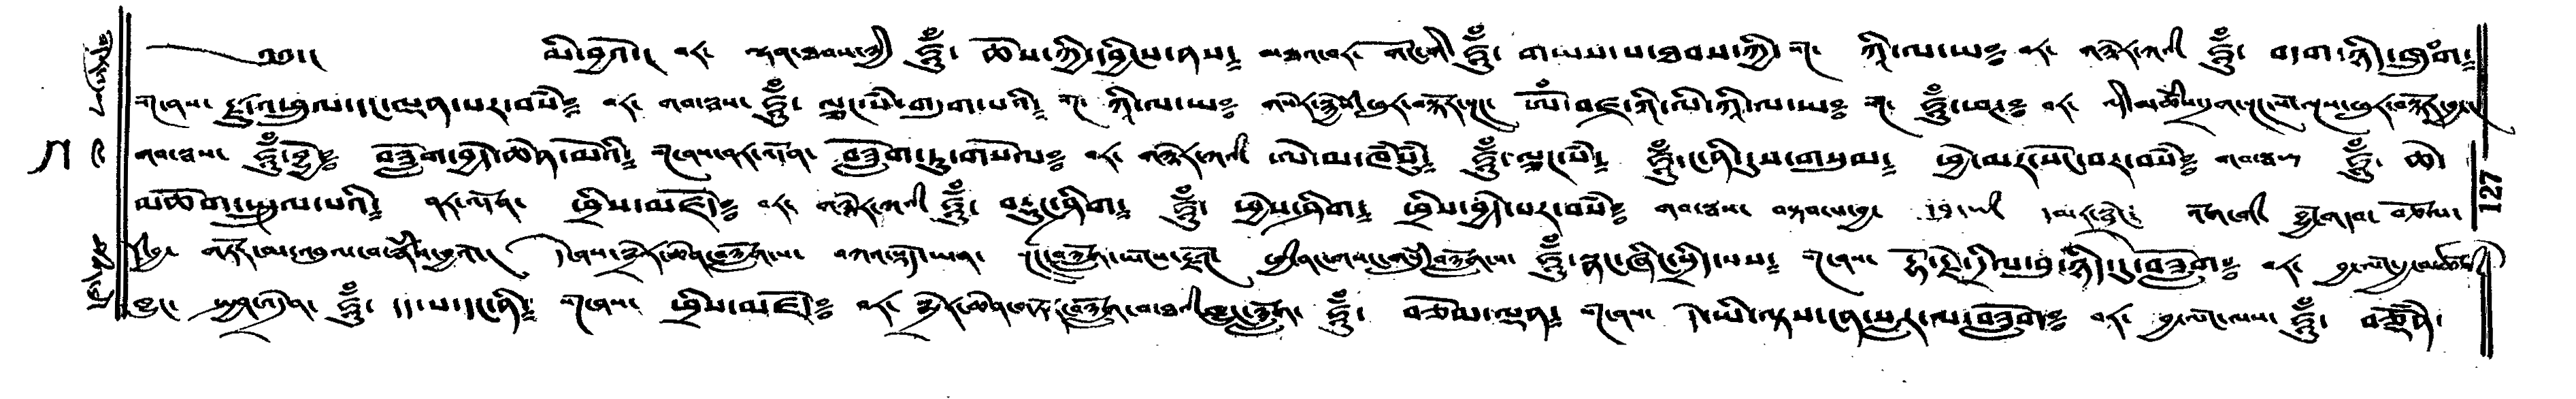མི་བྱའོ༔ བར། ལྷན་ཐབས་ཀྱི། ཧཱུྃ༔ ཆོས་ཀྱི་དབྱིངས་ནས༴ མཐའ་བར། གོང་གི ཧཱུྃ༔ གཡས་པ་ཐབས་ཀྱི༴ སོགས། ཀཱི་ལ་ཡ༔ བར། གཟེར་ཀའི། ཧཱུྃ༔ བདག་ཉིད་ཁྲག་འཐུང༴ 
སོགས་ནས། རྫུ་འཕྲུལ་དང་ལྡན་པར་བསམ། བར། གབ་སྦས། ཧཱུྃ༔ ལྕགས་སམ་གདུག་པའི༴ སོགས། ཀཱི་ལ་ཡ༔ གསེར་སྐྱེམས་ཕུར་སྐོར་སྔགས། ཨོཾ་བཛྲ་ཀི་ལི་ཀཱི་ལ་ཡ༴ སོགས། ཧཱུྃ་ཕཊ༔ བར། འདི་མཚམས་དྲག་སྔགས་སོ་ལྔས་ཕུར་སྐོར་བྱ། 
གབ་སྦས། ཧཱུྃ་བྷྱོ༔ ཟློག་བྱེད་ཆེན་མོའི༴ སོགས་ནས་འདོན། བཟློག་ཏུ་གསོལ༔ བར། གཟེར་ཀའི། ཨེ་མ་ཁམས་གསུམ༴ ཧཱུྃ༔ ང་ནི་དུས་གསུམ༴ ཕྱེ་མར་སོང་བར་བསམ། གབ་སྦས། ཧཱུྃ༔ ཆེ་
མཆོག་སྤྲུལ་པའི༴ ནར་འདོན། ཕྲིན་ལས་མཛོད༔བར། གཟེར་ཀའི། ཧཱུྃ༔ རྡུངས་ཤིག༴ ཧཱུྃ༔ ཕྱེས་ཤིག༴ ཕྲིན་ལས་བྱེད་པར་བསམ། གབ་སྦས། བསྟབ་པ་བྱ ། དབུ་ཡི་དམར་སྦྲེང་། འོག་གི བྷྱོ་གདབ། བཅོལ་
དམ་བྱ། གཏོར་མ་འབུལ་བ་རྣམས་བྱའོ། དེ་ནས་སྨྲོར་ཆེན་ཟློག་པ། བཀའ་སྡོད་ཡན། སྔགས་ཟློག་ཡོངས་རྫོགས། ཕྱི་ནང་གསང་གསུམ་ཟློག་པ། ཧཱུྃ༔ སྣང་ཞིང་སྲིད་པས༴ སོགས་ནས། རྡོ་རྗེ་དྲིལ་བུ་ཉིད་དུ་བཟློག༔ བར། བྱ་ལོང་རྒྱ་མཚོའི་
ཁྱུང་ སྤྱན་འདྲེན། ཧཱུྃ༔ དད་པ་དང་ནི༴ སོགས་ནས། ཕྲིན་ལས་མཛོད༔ བར། སྨྲོར་ཆེན་གཏོར་ཟློག་མཐའི་ཁྱུང་ཟློག ཧཱུྃ༔ བཅོམ་ལྡན༴ སོགས་ནས། དེ་ཡི་ལྟས་ངན་སླར་ལ་བཟློག༔ བར། བྱ་ལོང་ལས། ཧཱུྃ༔ བཅོམ་ལྡན་